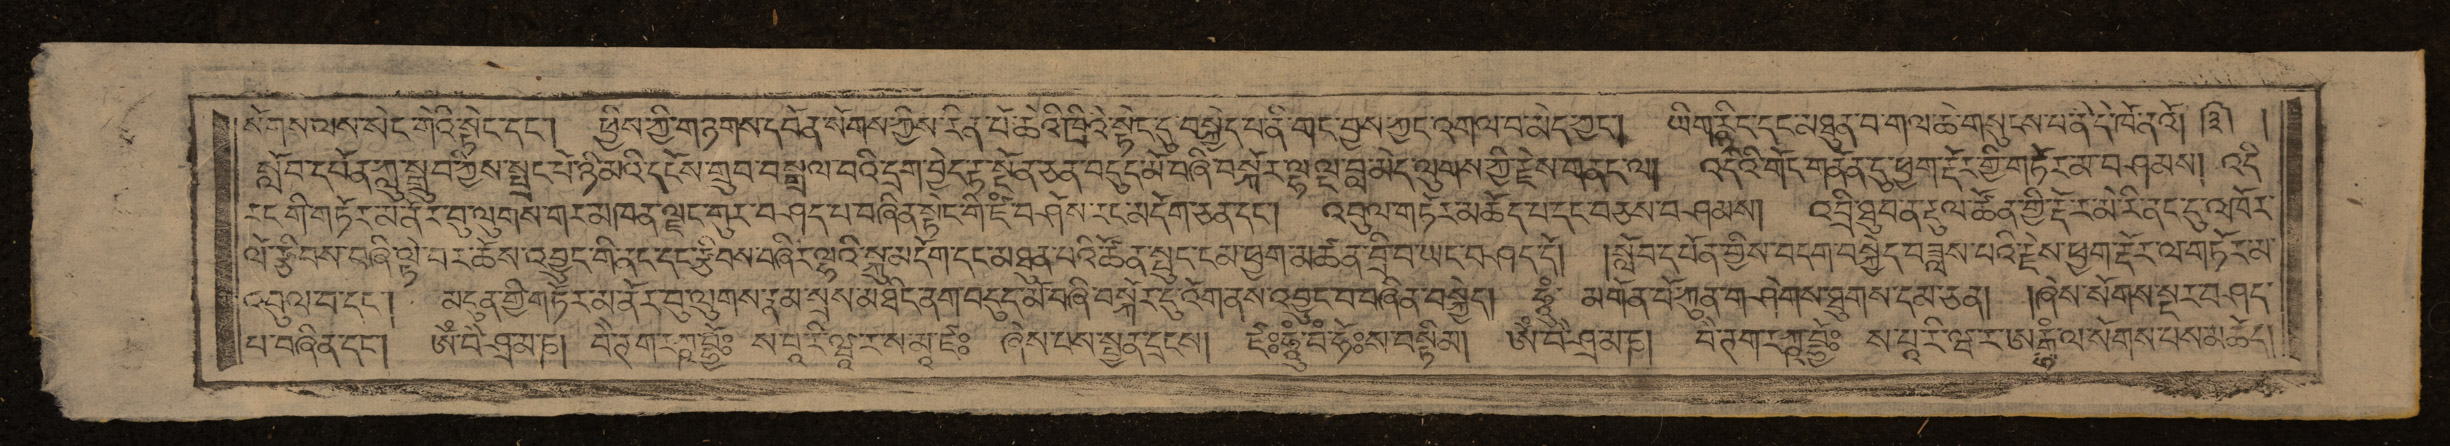སོགས་ལས་སེང་གེའི་སྟེང་དང་། ཕྱིས་ཀྱི་གཉགས་དབོན་སོགས་ཀྱིས་རིན་པོ་ཆེའི་ཁྲིའི་སྟེང་དུ་བསྐྱེད་པ་ནི་གང་བྱས་ཀྱང་འགལ་བ་མེད་ཀྱང་། ཡིག་རྙིང་དང་མཐུན་བ་གལ་ཆེ་གསུངས་པ་ནི་དེ་ཁོ་ནའོ། ༣?་།
སློབ་དཔོན་ཀླུ་སྒྲུབ་ཀྱིས་སྤྲང་པོ་ཉི་མའི་དངོས་གྲུབ་བསྒྲལ་བའི་དྲག་བྱེད་རྟ་སྔོན་ཅན་བདུད་མོ་བཞི་བསྐོར་ལྔ་བླ་མེད་ལུགས་ཀྱི་རྗེས་གནང་ལ། འདིའི་གོང་གནོན་དུ་ཕྱག་རྡོར་གྱི་གཏོར་མ་བཤམས། འདི་
རང་གི་གཏོར་མ་ནོར་བུ་ལུགས་གར་མཁན་ལྗང་གུར་བཤད་པ་བཞིན་སྟེང་གི་ཛཾ་བཤོས་རང་མདོག་ཅན་དང་། འབུལ་གཏོར་མཆོད་པ་དང་བཅས་བཤམས། འབྲི་ཐུབ་ན་རྡུལ་ཚོན་གྱི་རྡོར་མེ་རི་ནང་དུ་འཁོར་
ལོ་རྩིབས་བཞི་ལྟེ་བར་ཆོས་འབྱུང་གི་ནང་དང་རྩིབས་བཞིར་ལྷའི་སྐུ་མདོག་དང་མཐུན་པའི་ཚོན་སྤུང་ངམ་ཕྱག་མཚན་བྲི་བ་ཡང་བཤད་དོ། །སློབ་དཔོན་གྱིས་བདག་བསྐྱེད་བཟླས་པའི་རྗེས་ཕྱག་རྡོར་ལ་གཏོར་མ་
འབུལ་བ་དང་། མདུན་གྱི་གཏོར་མ་ནོར་བུ་ལུགས་རྣམ་སྲས་མཐིང་ནག་བདུད་མོ་བཞི་བསྐོར་དུ་འོག་ནས་འབྱུང་བ་བཞིན་བསྐྱེད། ཧཱུཾ་མགོན་པོ་ཀུན་གཤེགས་ཐུགས་དམ་ཅན། །ཞེས་སོགས་སྔར་བཤད་
པ་བཞིན་དང་། ཨོཾ་བི་ཤྲ་མ་ཎ། བཻ་ཊ་ག་རཀྵ་བྷྱོཿ ས་པཱ་རི་ཝཱ་ར་ས་མཱ་ཛཿ ཞེས་པས་སྤྱན་དྲངས། ཛཿཧཱུཾ་བཾ་ཧོཿས་བསྟིམ། ཨོཾ་བཻ་ཤྲ་མ་ཎ། བཻ་ཊ་ག་རཀྵ་བྷྱོཿ ས་པཱ་རི་ཝ་ར་ཨརྒྷཾ་ལ་སོགས་པས་མཆོད།